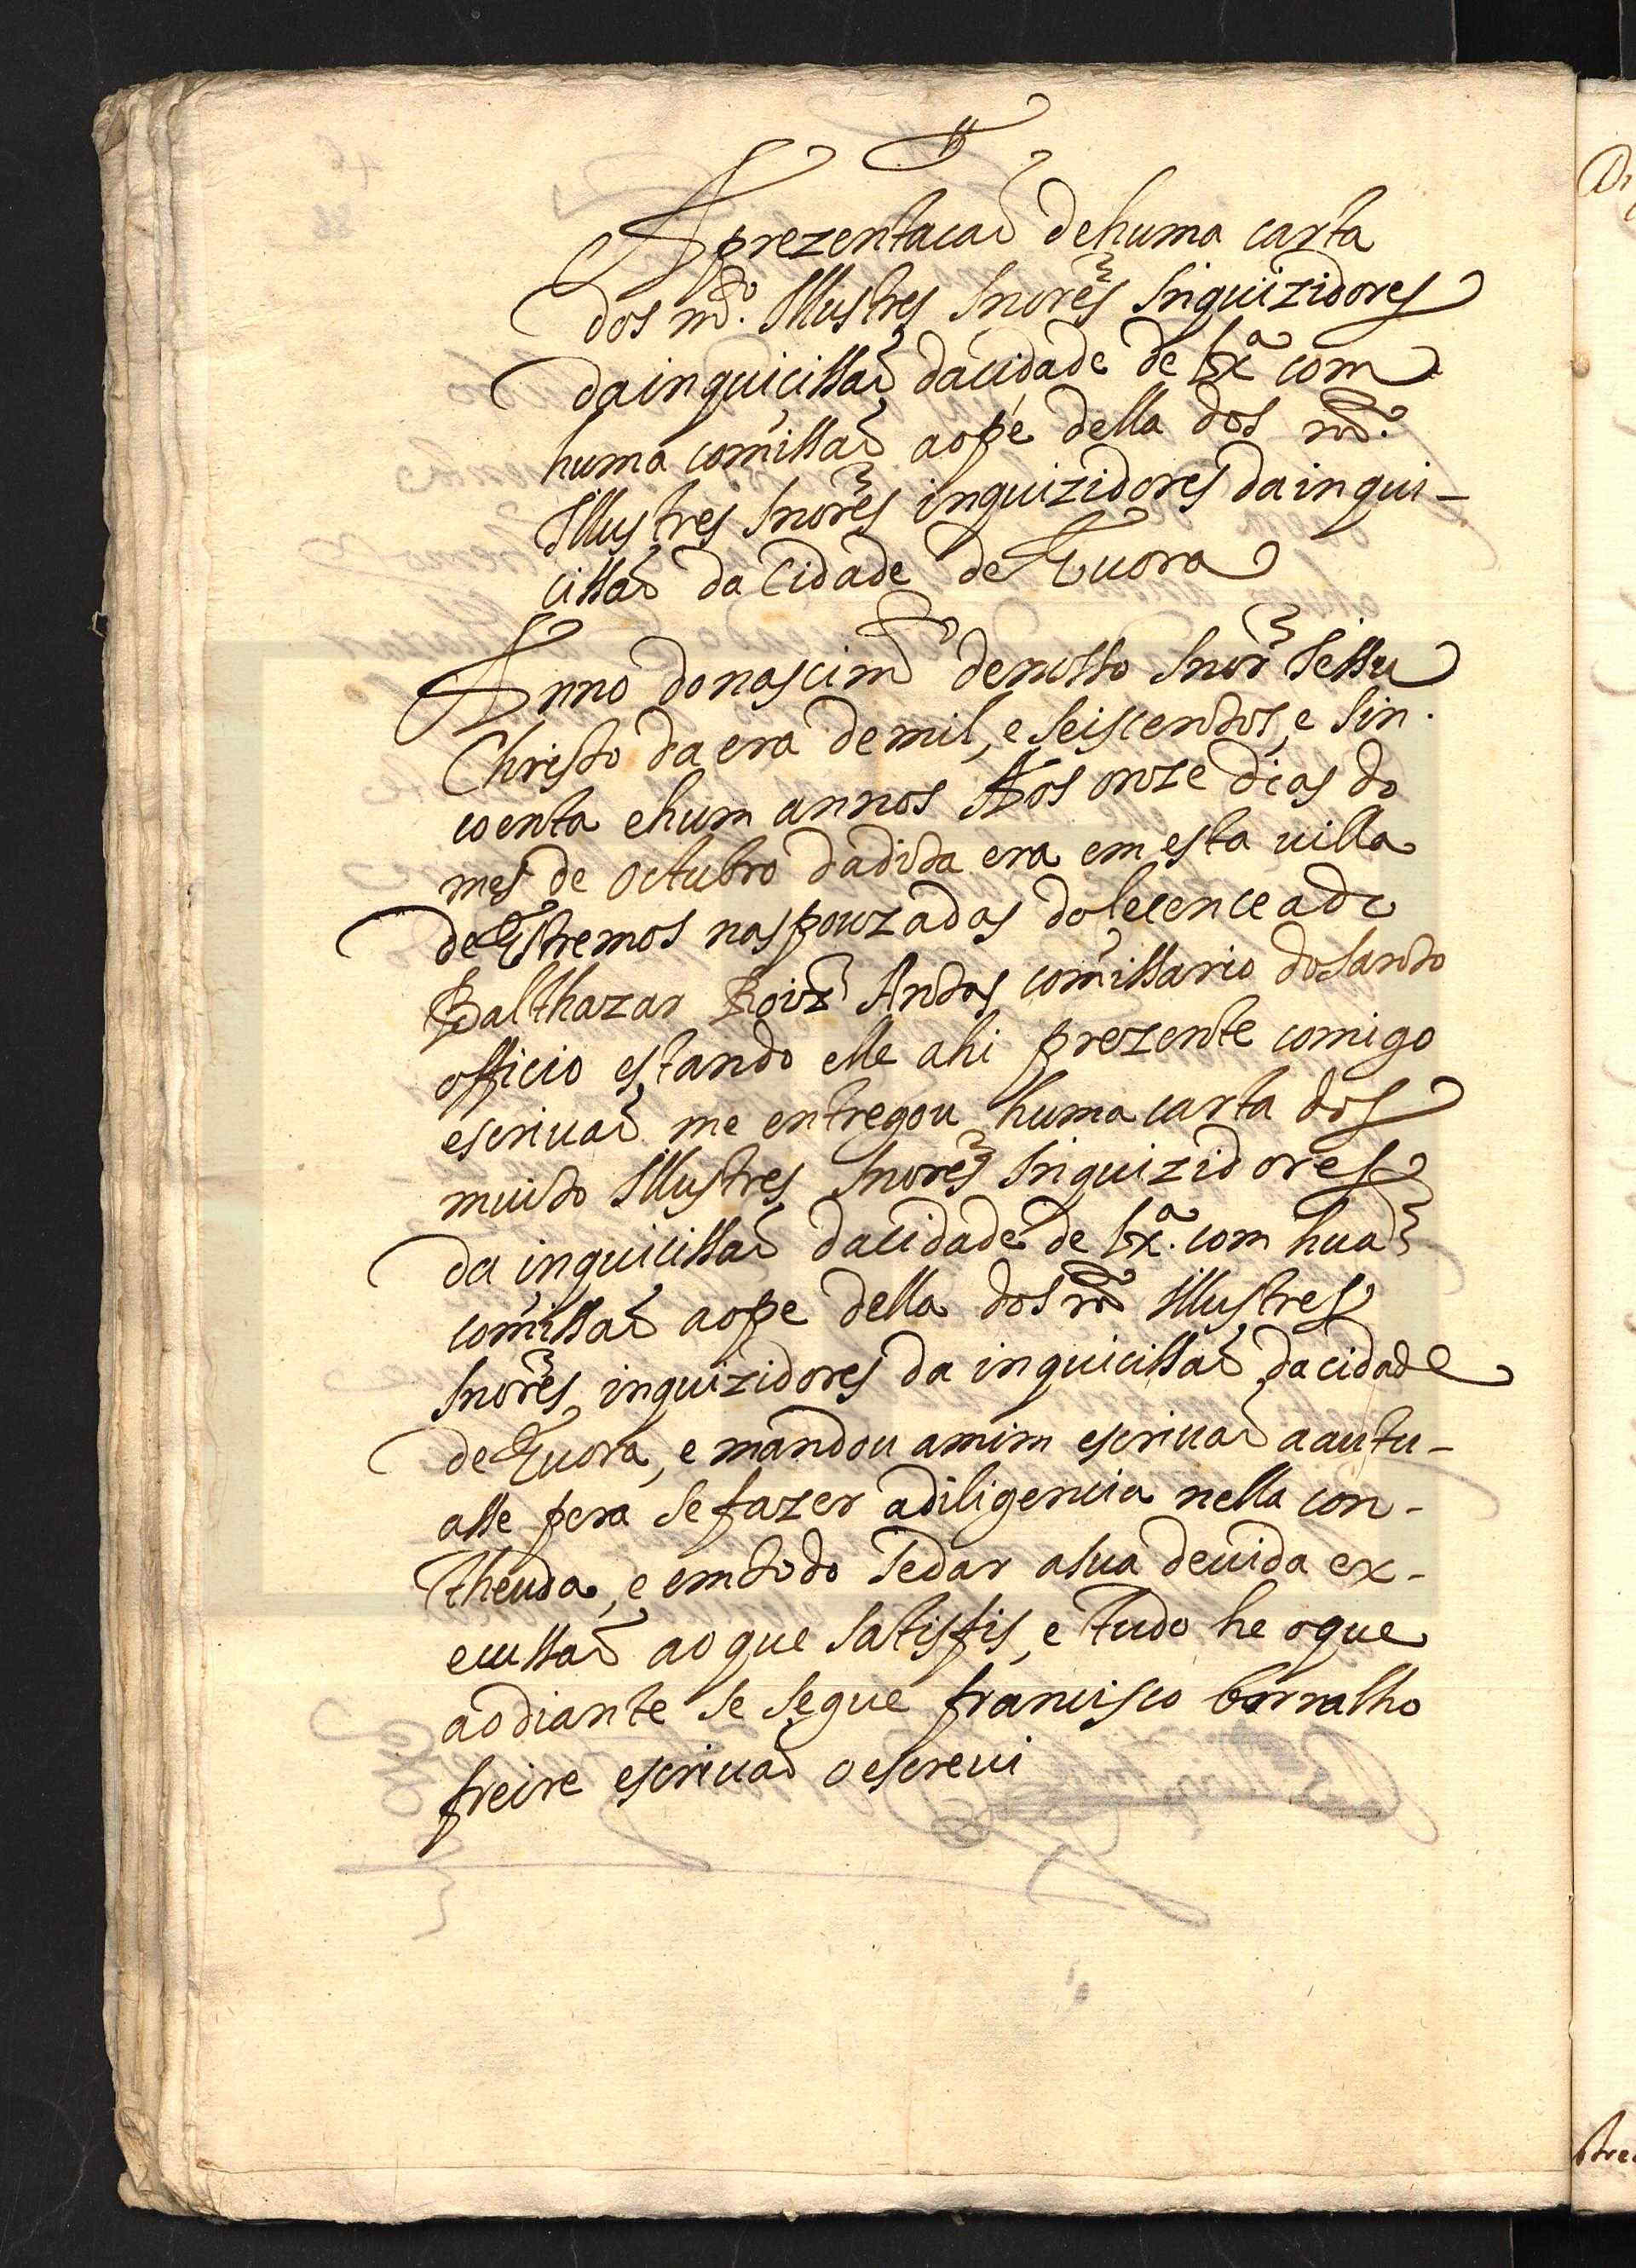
Aprezentaçaõ de huma carta
dos mto Illustres Snorēs Inquizidores
da inquicissão da cidade de Lxa com
huma comissaõ ao pé della dos m.to
Illustres Snores inquizidores da inqui
cissão da cidade de Euora
Anno do nascimto de nosso Snor̄ Iessu
Christo da era de mil, e seiscentos, e sin
coenta e hum annos Aos onze dias do
mes de octubro da dita era em esta uilla
de Estremos nas pouzadas do lecenceado
Balthazar Roiz̄ Antas comissario do Santo
officio estando elle ahi prezente comigo
escriuaõ me entregou huma carta dos
muito Illustres Snorēs Inquizidores
da inquicissão da cidade de Lxa com huā
comissaõ ao pe della dos mto Illustres
Snorēs inquizidores da inquicissaõ da cidade
de Euora, e mandou a mim escriuaõ a autu
asse pera se fazer a diligencia nella con
theuda, e em todo se dar a sua deuida ex
ecussaõ ao que satisfis, e tudo he o que
ao diante se segue francisco borralho
freire escriuaõ o escreui
